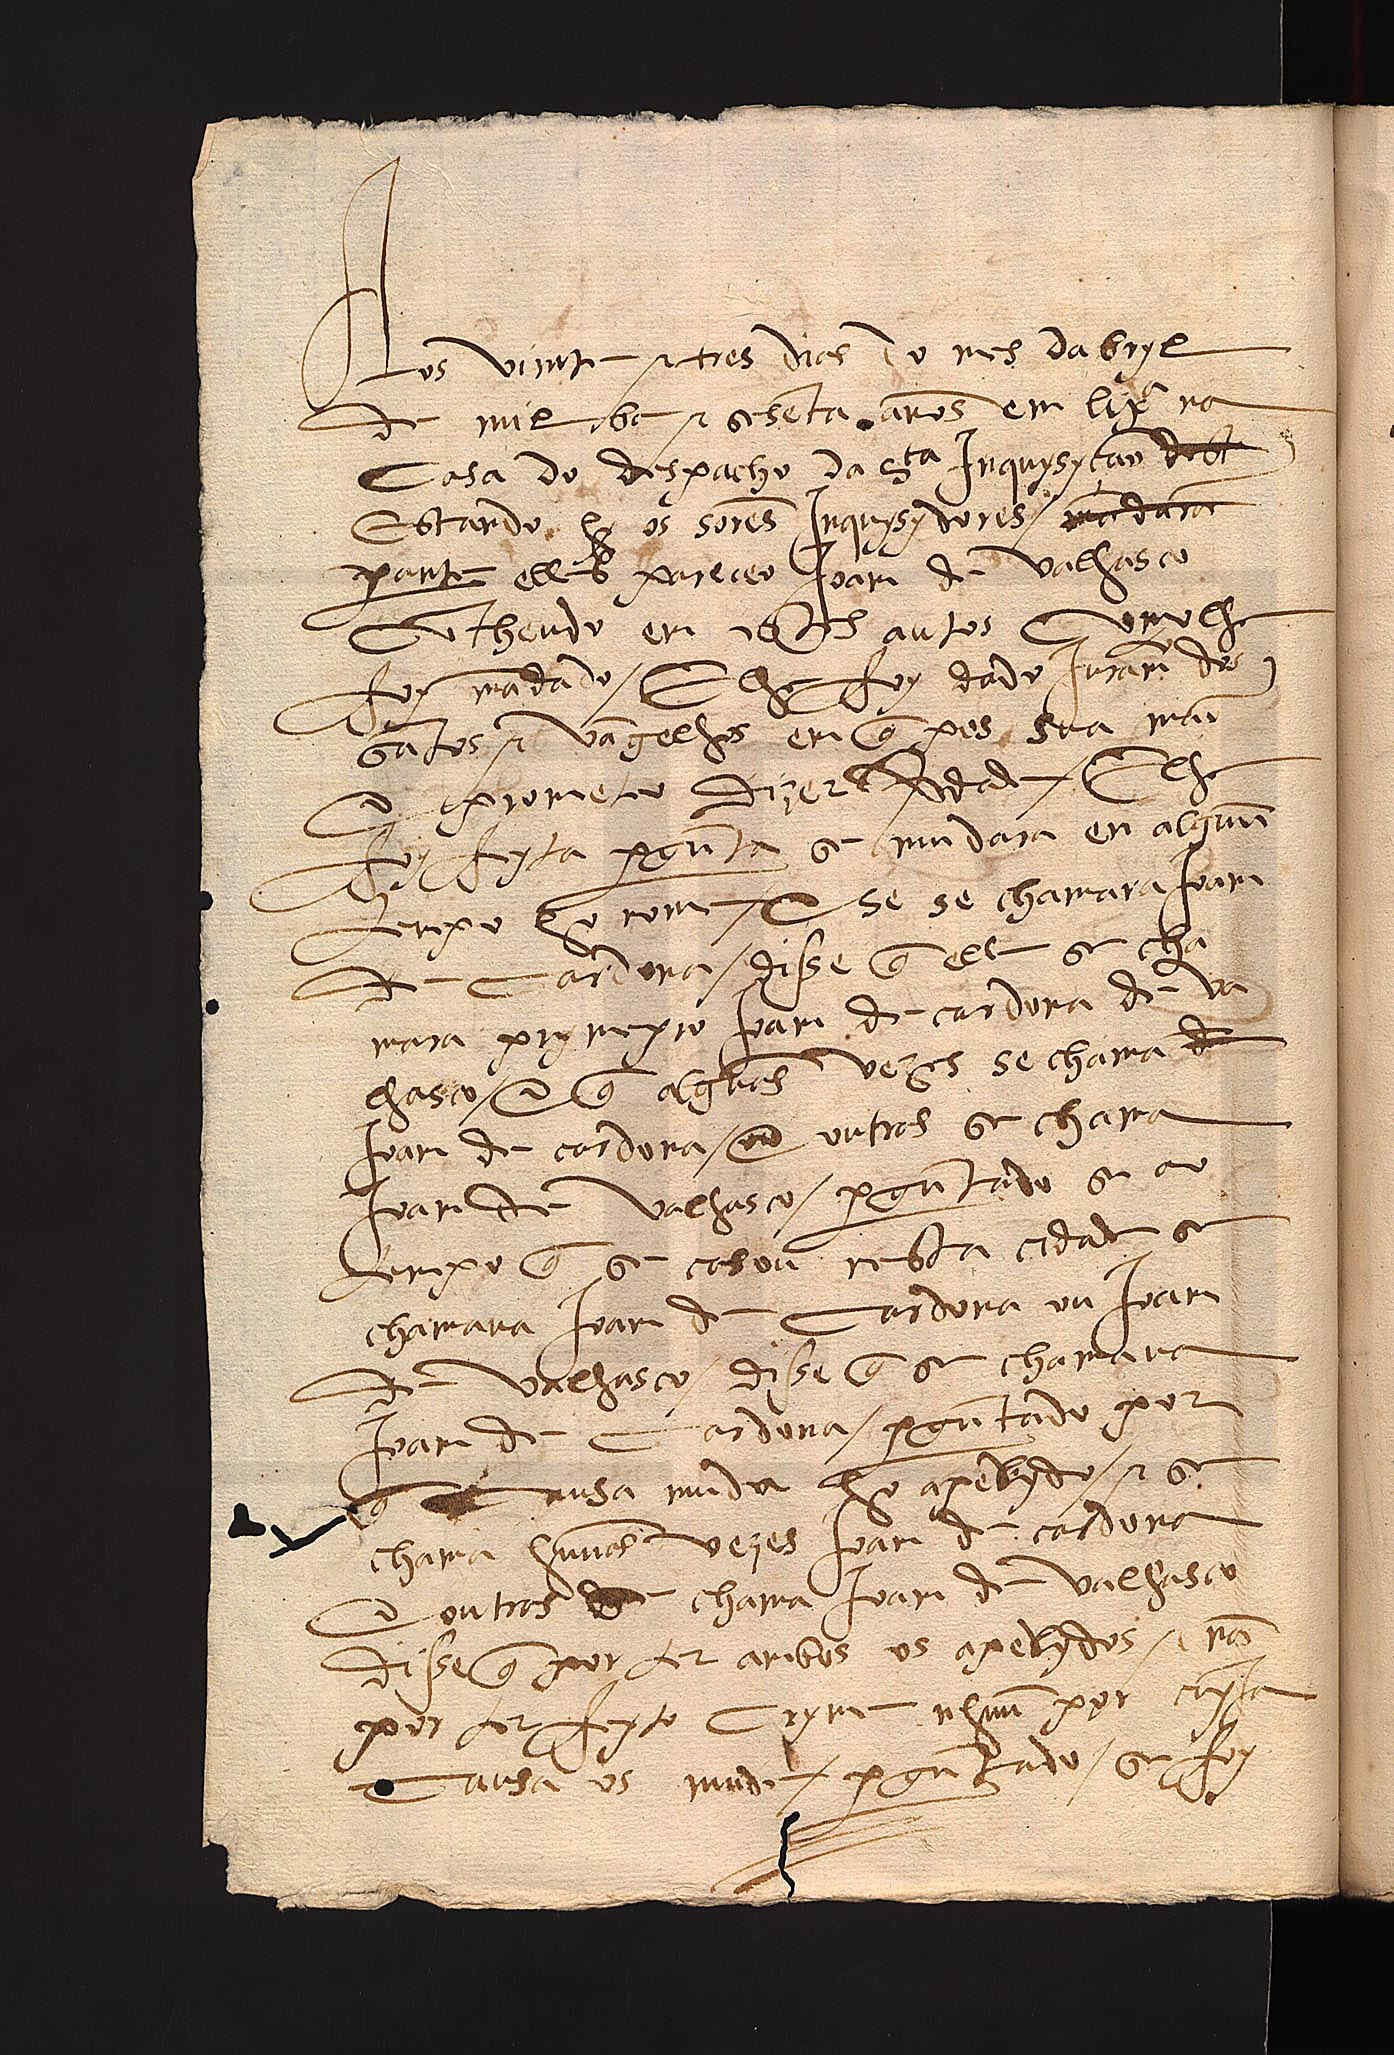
Aos vimte e tres dias do mes dabryl
de mil bc e sesēta ānos em lixa na
Casa do despacho da Sta Jnquysyção _
Estando hy os s̄ores Jnquysydores / mādarā
ꝑante elles pareceo Joam de Valhasco
Cōtheudo em estes autos como lhe
foy mādado / E lhe foy dado Juramto dos
sātos evāgelhos em q̄ pos sua mão
e prometeo dizer ꝟdade / E lhe
foy feyta ꝑgūta se mudara en algūu
tempo ho nome / e se se chamara Joam
de cardona / disse q̄ elle se cha
mara prymeyro Joam de cardona de Va
lhasco / e q̄ algūas vezes se chama _
Joam de cardona / ē outras se chama
Joam de valhasco / ꝑgūtado se ao
tempo q̄ se casou nesta cidade se
chamaua Joam de Cardona ou Joam
de valhasco / disse q̄ se chamaua
Joam de Cardona / ꝑgūtado por
q̄ Causa muda ho apelydo / e se
chama hūuas vezes Joam de cardona
e outras _ chama Joam de valhasco
disse q̄ por ter ambos os apelydos e nā
por ter feyto cryme nhūu por cuyJa
Causa os mude / ꝑgūtado / se foy
